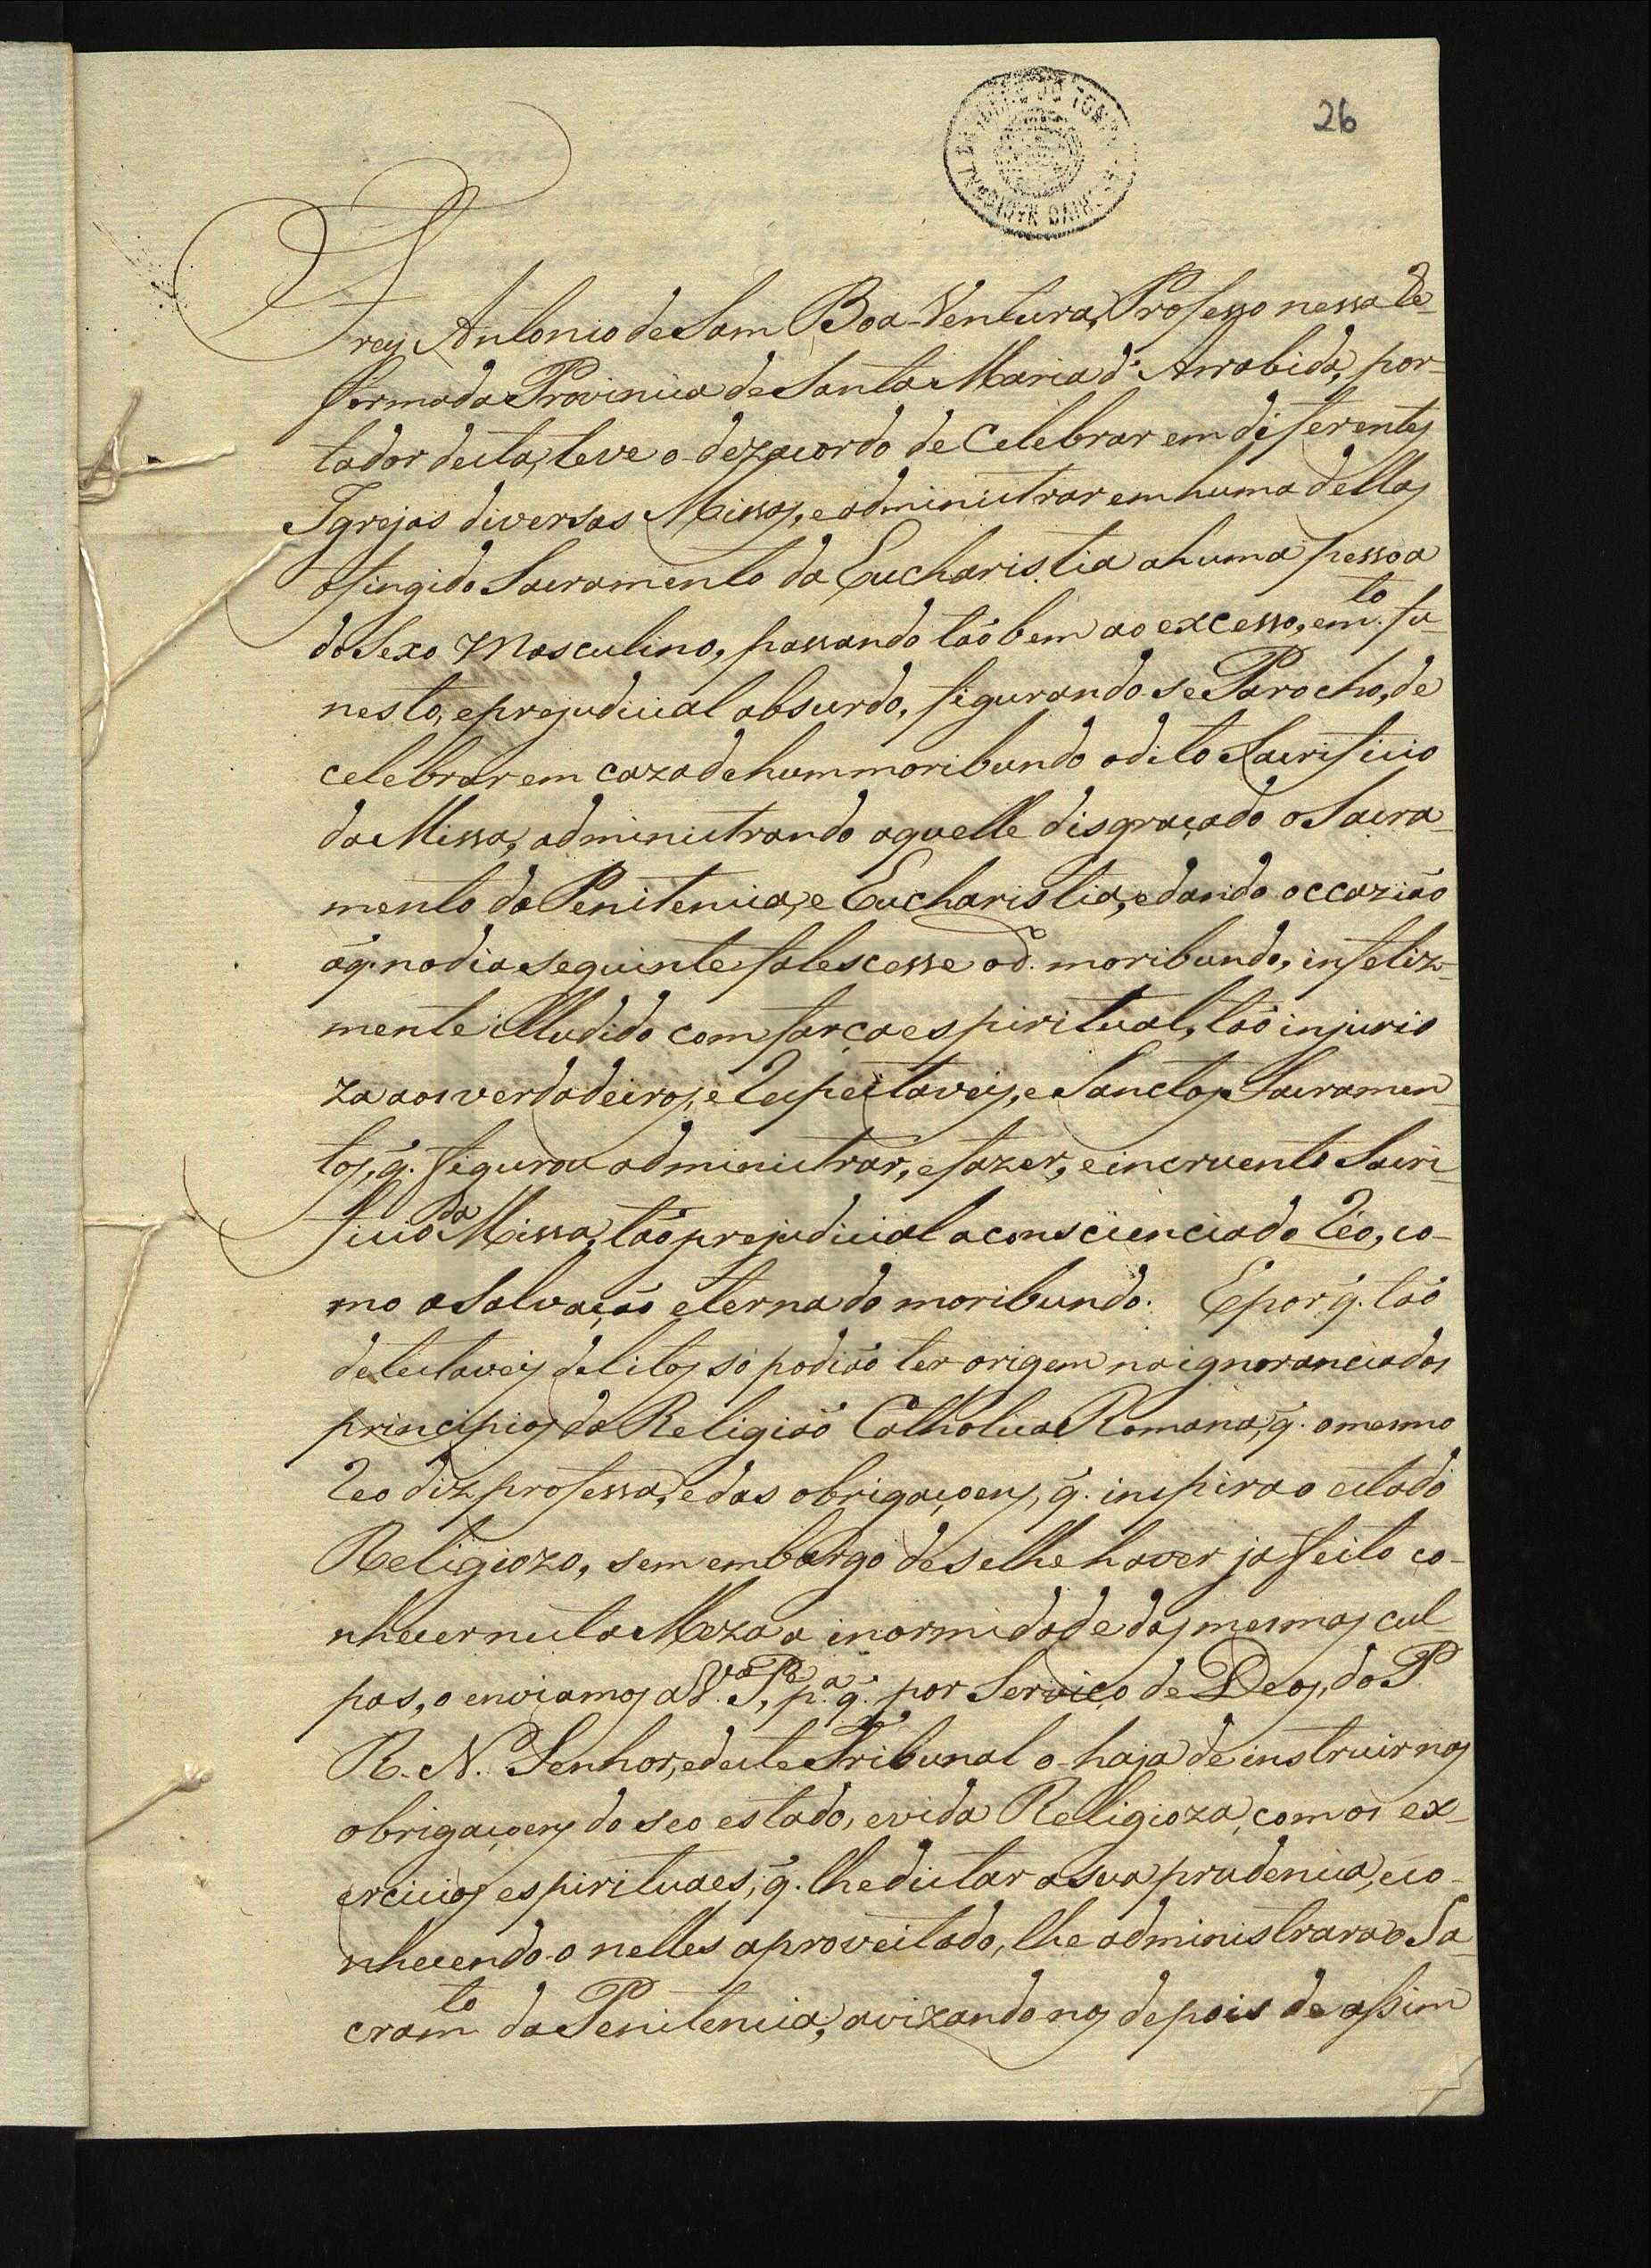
Frey Antonio de Sam Boa-Ventura, Professo nesta Re
formada Provincia de Santa Maria d'Arrabida, por
tador desta, teve o dezacordo de celebrar em diferentes
Igrejas diversas Missas, e administrar em huma dellas
o fingido Sacramento da Eucharistia a huma pessoa
do Sexo Masculino, passando taõbem ao excesso, e mto. fu
nesto, e prejudicial absurdo, figurando-se Parocho, de
celebrar em caza de hum moribundo o dito Sacrificio
da Missa, administrando aquelle disgraçado o Sacra
mento da Penitencia, e Eucharistia, e dando occaziaõ
a q̄ no dia seguinte falescesse o d.o moribundo, infeliz
mente illudido com farça espiritual, taõ injurio
za aos verdadeiros, e Respeitaveis, e Sanctos Sacramen
tos, q̄ figurou administrar, e fazer, e incruento Sacri
ficio da Missa, taõ prejudicial a consciencia do Réo, co
mo a Salvaçaõ eterna do moribundo. E porq̄ taõ
detestaveis delitos só podiaõ ter origem na ignorancia dos
principios da Religiaõ Catholica Romana, q̄ o mesmo
Reo diz professa, e das obrigaçoens, q̄ inspira o estado
Religiozo, sem embargo de se lhe haver ja feito co
nhecer nesta Meza a inormidade das mesmas cul
pas, o enviamos a V.a P.e p.a q̄ por Serviço de Deos, do P.
R. N. Senhor, e deste Tribunal o haja de instruir nas
obrigaçoens do seo estado, e vida Religioza, com os ex
ercicios espirituaes, q̄ lhe dictar a sua prudencia, e co
nhecendo-o nelles aproveitado, lhe administrara o Sa
cram.to da Penitencia, avizando-nos depois de assim
